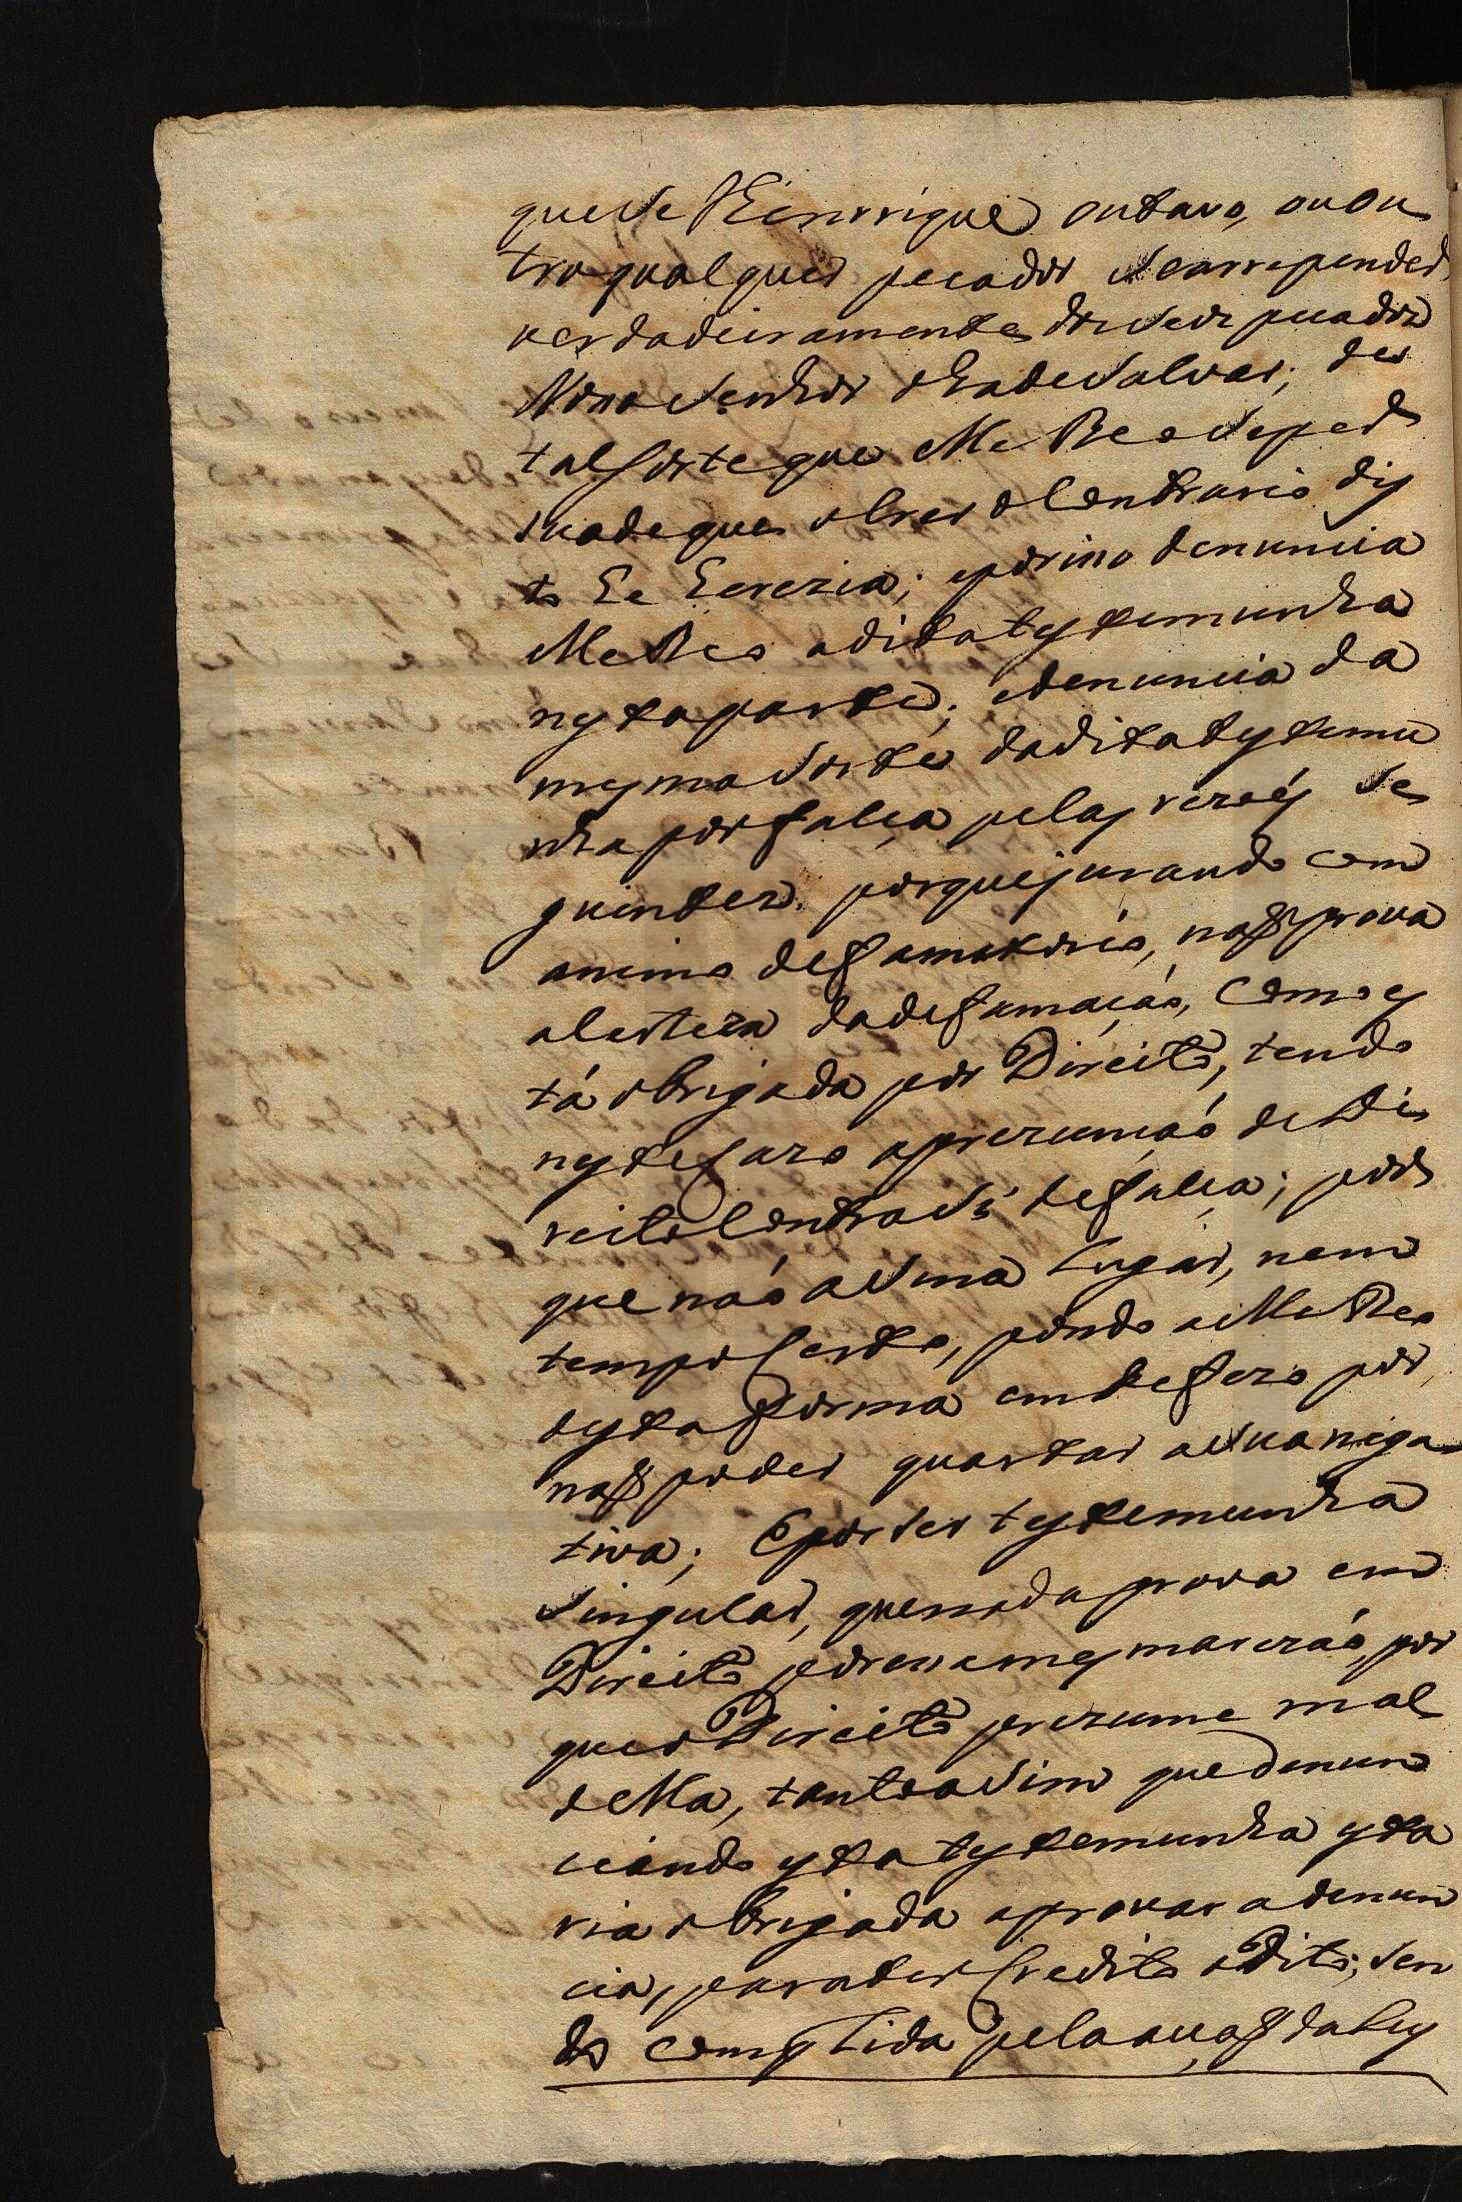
que se Henrrique Outavo, ou ou
tro qualquer pecador searrepender
verdadeiramente doz seoz pecadoz
Nosso Senhor o ha de salvar; de
tal sorte que elle Reo se per
suade que o Crer o Contrario dis
to he herezia; e por isso denuncia
elle Reo a dita testemunha
nesta parte; e denuncia da
mesma sorte da dita testemu
nha por falça pelas rezoẽs se
guintez, porque jurando com
animo defamatorio, naõ proua
a Certeza da defamação, como es
tá obrigada por Direito, tendo
neste Cazo a prezunçaõ de Di
reito, contra Si de falça; por
que naõ asina Lugar, nem
tempo Certo, pondo a elle Reo
desta forma emdefezo por
naõ poder quartar a sua nega
tiva; E por ser testemunha
singular, que nada prova em
Direito porem a mesma rezaõ, por
que o Direito prezume mal
della, tanto assim que denun
ciando esta testemunha esta
ria obrigada a provar a denun
cia, para ter Credito o disto; sen
do complida pela açaõ da Ley
